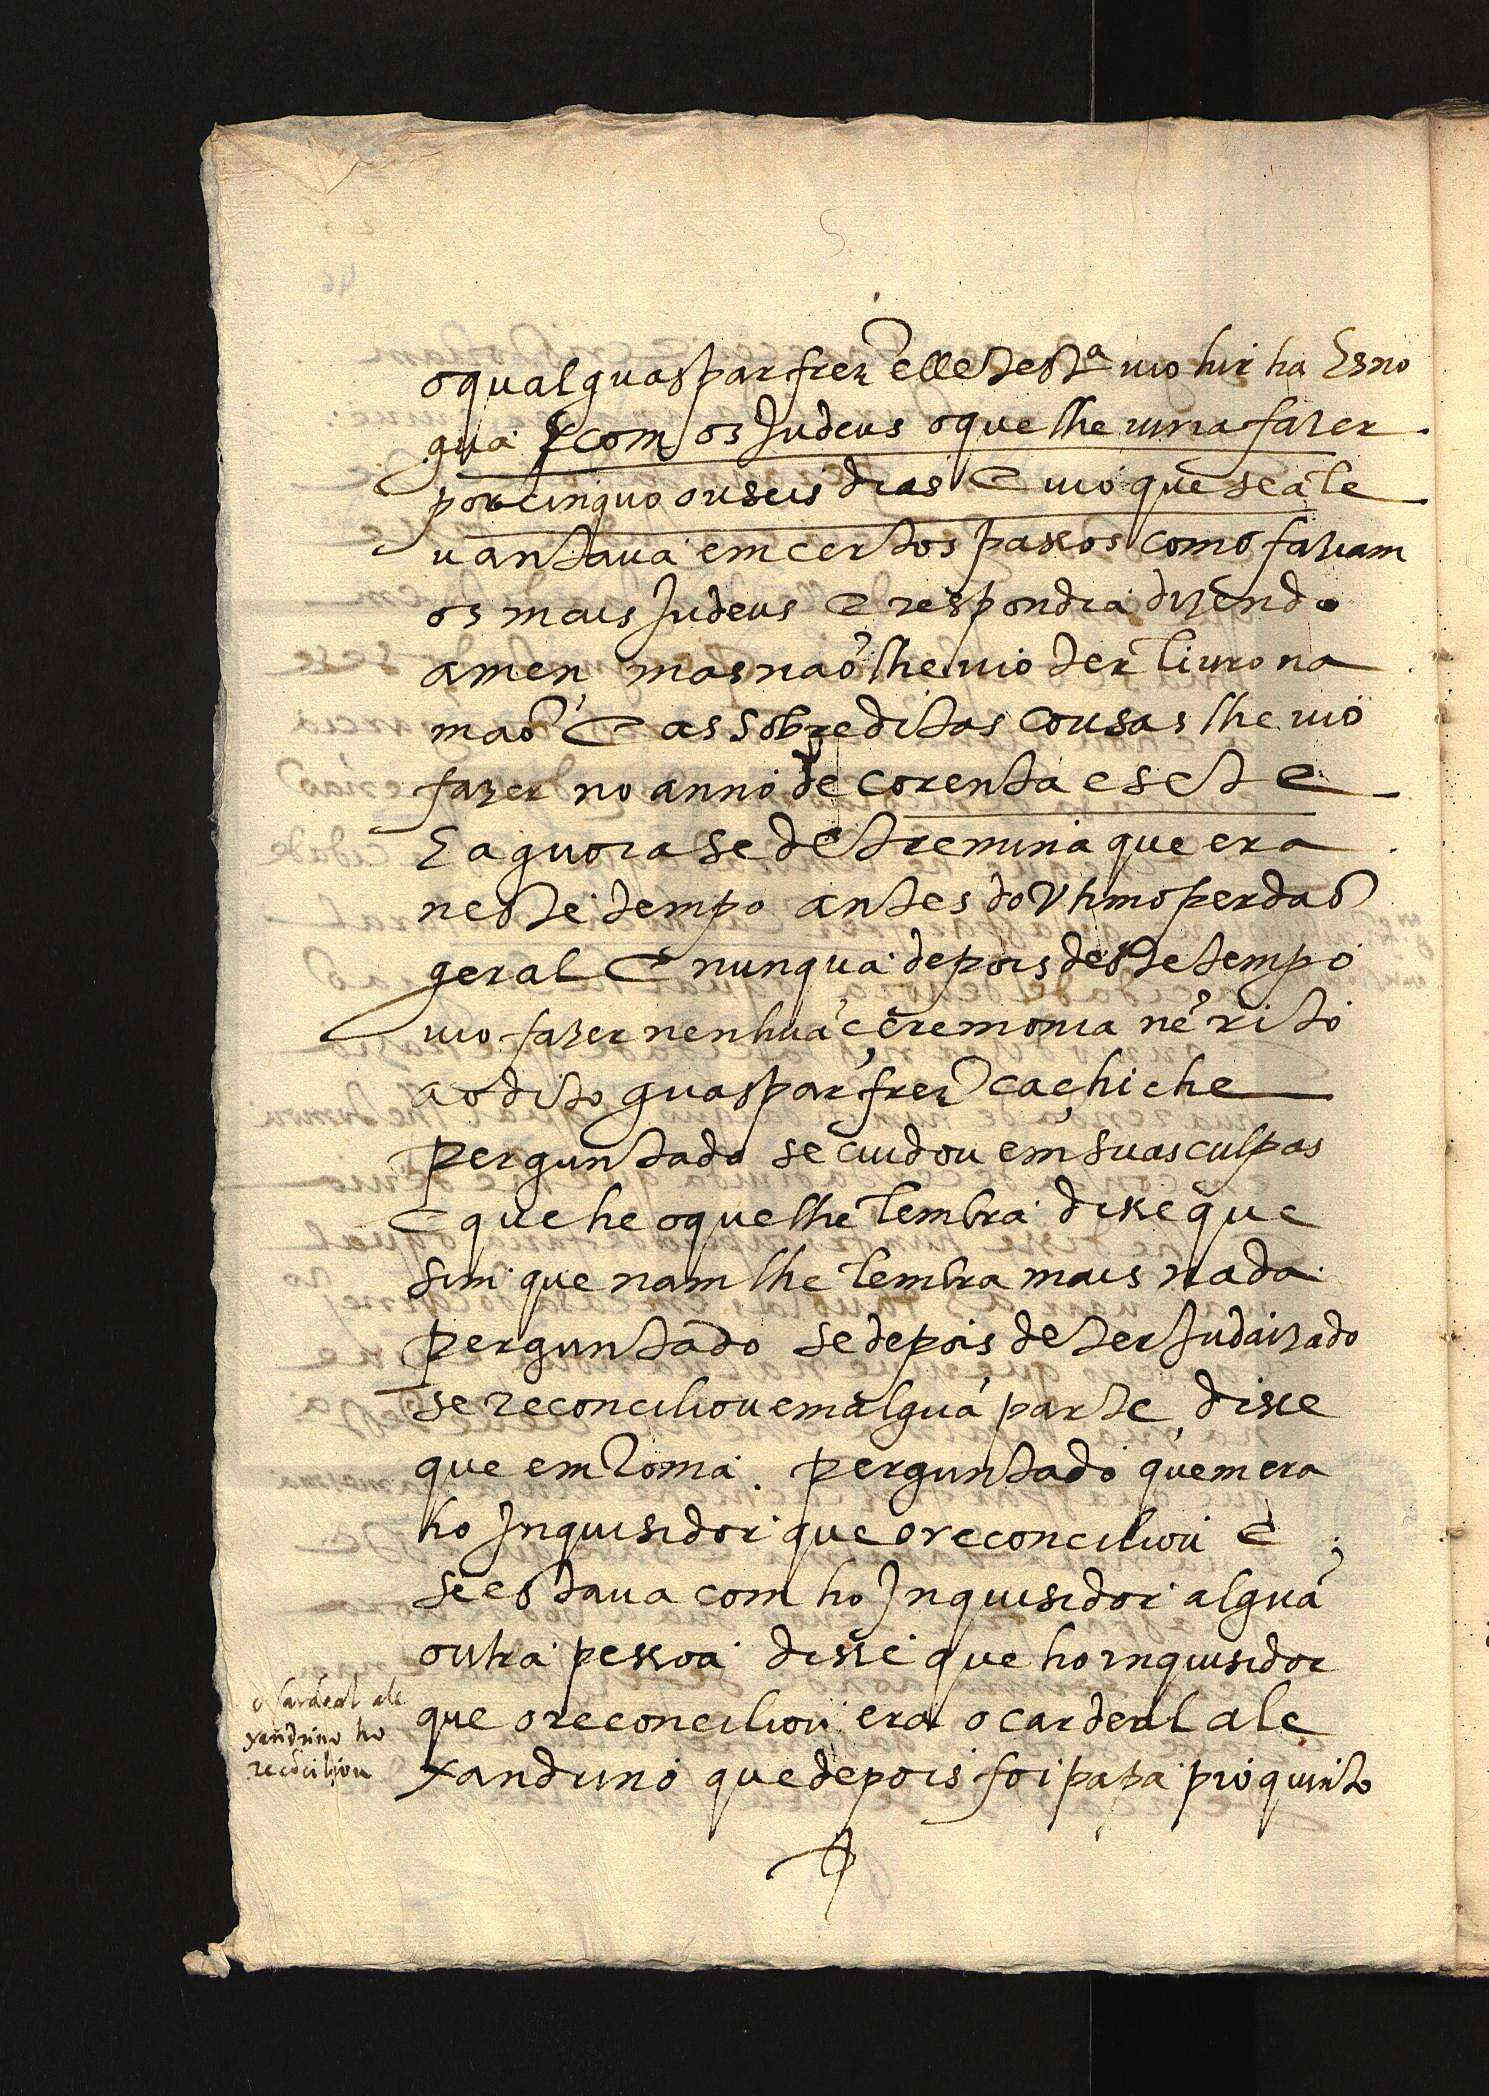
o Cardeal ale
xandrino ho
recōciliou
o qual guaspar frez̄ elle testa uio hir ha Esno
gua E com os Judeus o que lhe uiria fazer
por cinquo ou seis dias E uio que se ale
uantaua em certos passos como faziam
os mais Judeus e respondia dizendo
amen mas naõ lhe uio ter liuro na
maõ E as sobreditas cousas lhe uio
fazer no anno de corenta e sete
E aguora se detremina que era
neste tempo antes do Vtimo perdaõ
geral e nunqua depois deste tempo
uio fazer nenhuā çeremonia nē rito
ao dito guaspar frez̄ cachiche
perguntado se cuidou em suas culpas
E que he o que lhe lembra disse que
sim que nam lhe lembra mais nada
Perguntado se depois de ter Judaizado
se reconciliou em alguā parte disse
que em Roma perguntado quem era
ho Jnquisidor que o reconciliou E
se estaua com ho Jnquisidor alguā
outra pessoa disse que ho inquisidor
que o reconciliou era o cardeal ale
xandrino que depois foi papa pio quinto
